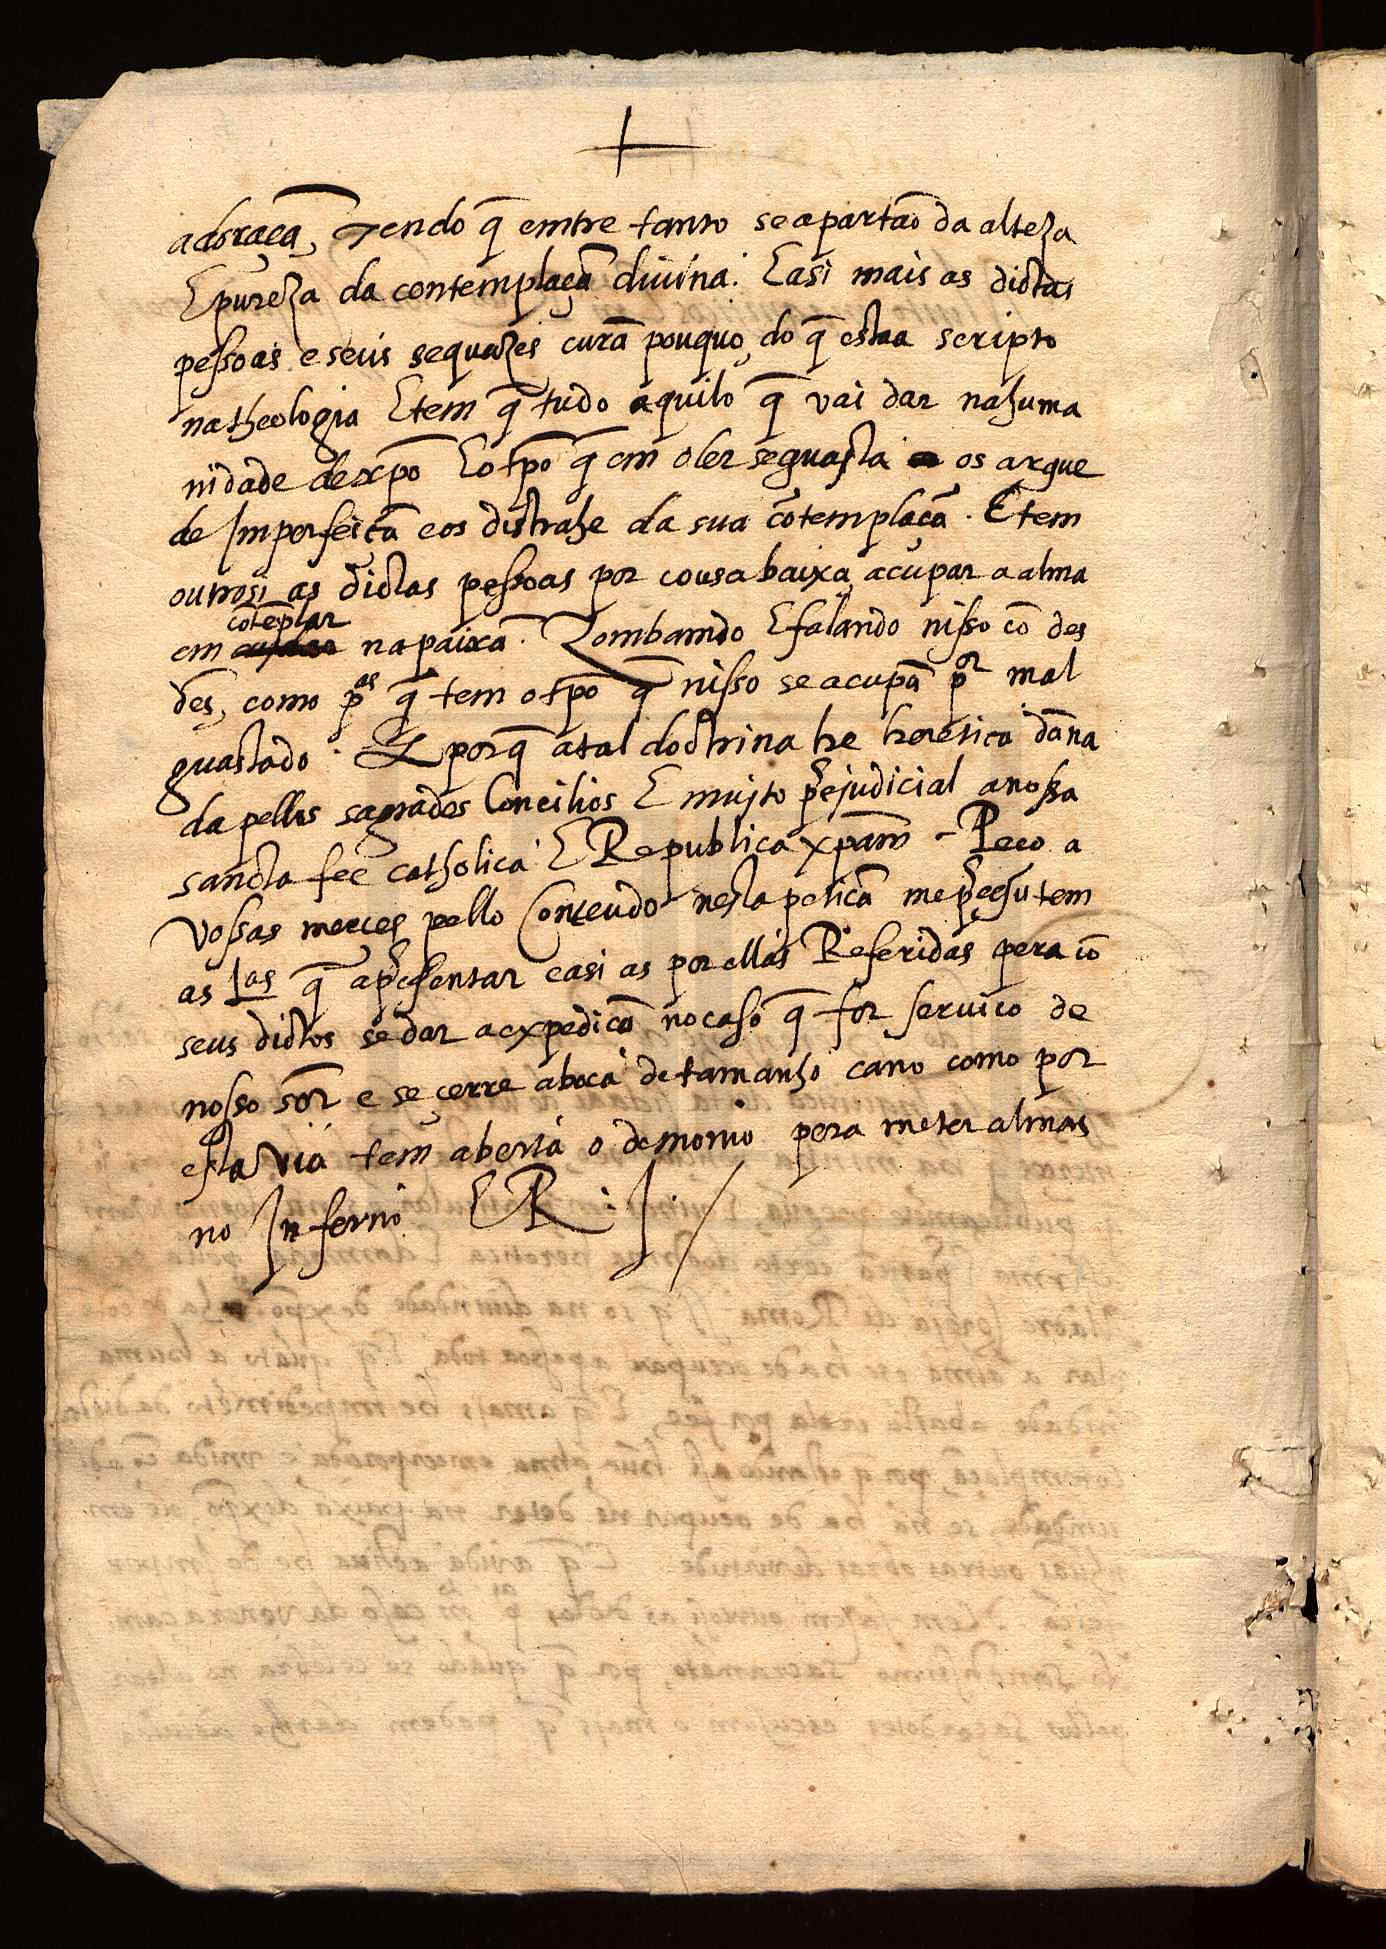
adoraçā, sendo q̄ emtretanto se apartão da alteza
E pureza da contemplaçā diuina: E asi mais as dictas
pessoas e seus sequazes curā pouquo, do q̄ estaa scripto
na theologia E tem q̄ tudo aquilo q̄ vai dar na huma
nidade de xp̄o E o tp̅o q̅ em o ler se guasta _ os argue
de Jmperfeiçā e os distrahe da sua cōtemplaçā. E tem
outrosi as dictas pessoas por cousa baixa occupar a alma
c̄ot̄eplar
em _ na paixā. Zombamdo E falando nisso c̄o des
dēs, como pas q̄ tem o tp̅o q̅ nisso se occupā por mal
guastado. E porq̄ a tal doctrina he heretica dāna
da pellos sagrados Concilios E mujto p̄ejudicial a nossa
sancta fee catholica E Republica x̄pam. Peço a
vossas merces pello Conteudo nesta petiçā me p̄egūtem
as tas q̄ ap̄esentar e asi as por ellas Referidas pera c̄o
seus dictos se dar a expediç̄o no caso q̄ for seruiço de
nosso s̄or e se cerre a boca de tamanho cano como por
esta via tem aberta o demonio pera meter almas
no Jnferno E R. J.
